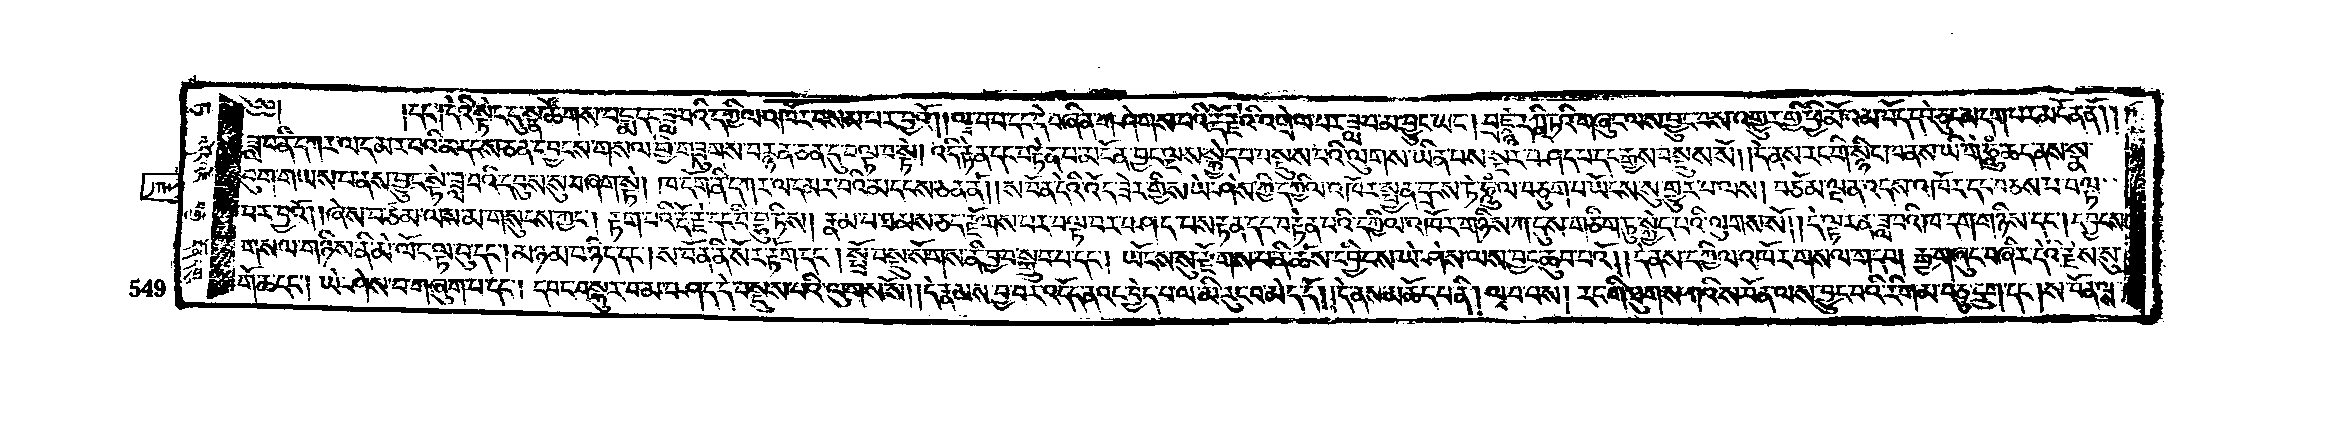༄༅། །དང་། དེའི་སྟེང་དུ་སྣ་ཚོགས་པདམ་དང་ཟླ་བའི་དཀྱིལ་འཁོར་བསམ་པར་བྱའོ། །ལྭ་བ་པ་དང་དེ་བཞིན་གཤེགས་པའི་རྡོ་རྗེའི་འགྲེལ་པར་ཟླ་བ་མ་བྱུང་ཡང་། པྲཛྙཱ་རཀྵི་ཏའི་གཞུང་ལས་བྱུང་བས་འགྱུར་གྱི་ཕྱི་མོ་འམ་བོད་དཔེ་ཅུང་མ་དག་པར་མངོན་ནོ། །
ཟླ་བ་ནི་དཀར་ལ་དམར་བའི་མདངས་ཅན་དབྱངས་གསལ་གྱི་གཟུགས་བརྙན་ཅན་དུ་བལྟ་བ་སྟེ། འདི་རྟེན་དང་བརྟེན་པ་མངོན་བྱང་ལྔས་སྐྱེད་པ་བསྡུས་པའི་ལུགས་ཡིན་པས་སྔར་བཤད་པ་དང་རྒྱས་བསྡུས་སོ། །དེ་ནས་རང་གི་སྙིང་ཁ་ནས་ཡི་གེ་ཧཱུཾ་ཆད་ནས་སྣ་
བུག་གཡས་པ་ནས་བྱུང་སྟེ་བླ་བའི་དབུས་སུ་བཞག་སྟེ། ཁ་དོག་ནི་དཀར་ལ་དམར་བའི་མདངས་ཅན་ནོ། །ས་བོན་དེའི་འོད་ཟེར་གྱིས་ཡེ་ཤེས་ཀྱི་དཀྱིལ་འཁོར་སྤྱན་དྲངས་ཏེ་ཧཱུཾ་ལ་བཅུག་པ་ཡོངས་སུ་གྱུར་པ་ལས། བཅོམ་ལྡན་འདས་འཁོར་དང་བཅས་པ་བལྟ་
བར་བྱའོ། །ཞེས་པ་ཙམ་ལས་མ་གསུངས་ཀྱང་། རྟག་པའི་རྡོ་རྗེ་དང་བི་བྷུ་ཏིས། རྣམ་པ་ཐམས་ཅད་རྫོགས་པར་བལྟ་བར་བཤད་པས་རྟན་དང་བརྟེན་པའི་དཀྱིལ་འཁོར་གཉིས་ཀ་དུས་གཅིག་ཏུ་སྐྱེད་པའི་ལུགས་སོ། །དེ་ལྟར་ན་ཟླ་བའི་ཁ་དོག་གཉིས་དང་། དབྱངས་
གསལ་གཉིས་ནི་མེ་ལོང་ལྟ་བུ་དང་། མཉམ་པ་ཉིད་དང་། ས་བོན་ནི་སོར་རྟོག་དང་། སྤྲོ་བསྡུ་སོགས་ནི་བྱ་བ་སྒྲུབ་པ་དང་། ཡོངས་སུ་རྫོགས་པ་ནི་ཆོས་དབྱིངས་ཡེ་ཤེས་ལས་བྱང་ཆུབ་པའོ། །དེ་ནས་དཀྱིལ་འཁོར་གསལ་གདབ། རྒྱ་གཞུང་བཞིར་དེའི་རྗེས་སུ་
གོ་ཆ་དང་། ཡེ་ཤེས་པ་གཞུག་པ་དང་། དབང་བསྐུར་བ་མ་བཤད་དེ་བསྡུས་པའི་ལུགས་སོ། །དེ་རྣམས་བྱ་བར་འདོད་ནའང་བྱེད་པ་ལ་མི་རུང་བ་མེད་དོ། །དེ་ནས་མཆོད་པ་ནི། ལྭ་བ་པས། རང་གི་ཐུགས་ཀའི་ས་བོན་ལས་བྱུང་བའི་རིག་མ་བཅུ་དྲུག་དང་། ས་བོན་ལས་